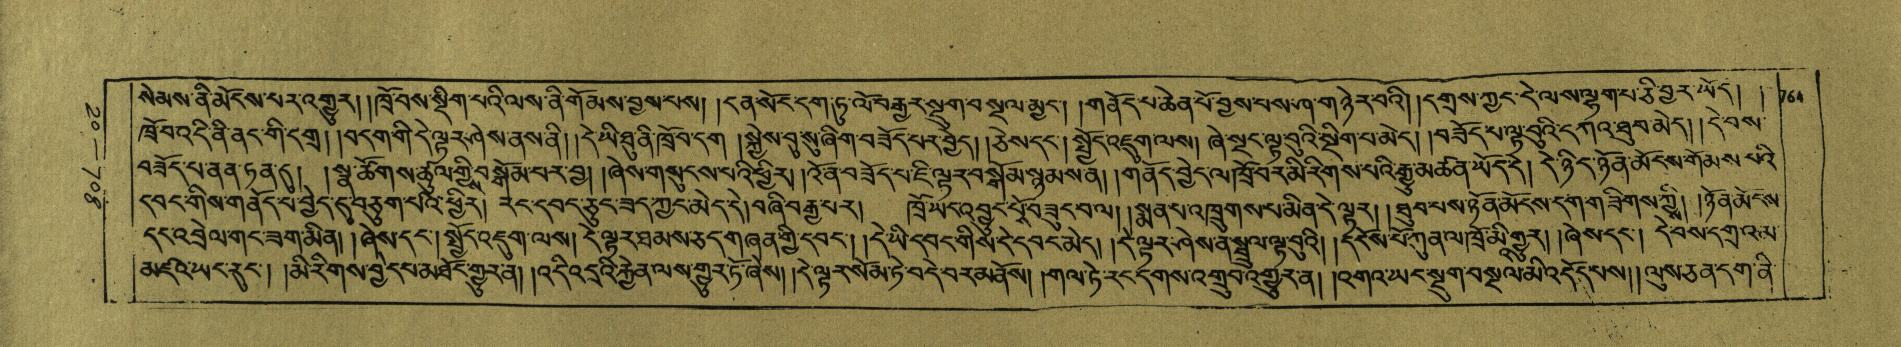སེམས་ནི་མོངས་པར་འགྱུར། །ཁྲོ་བས་སྡིག་པའི་ལས་ནི་གོམས་བྱས་པས། །ངན་སོང་དག་ཏུ་ལོ་བརྒྱར་སྡུག་བསྔལ་མྱང་། །གནོད་པ་ཆེན་པོ་བྱས་པས་ཤ་གཉེར་བའི། །དགྲས་ཀྱང་དེ་ལས་ལྷག་པ་ཅི་བྱར་ཡོད། །
ཁྲོ་བ་འདི་ནི་ནང་གི་དགྲ། །བདག་གི་དེ་ལྟར་ཤེས་ནས་ནི། །དེ་ཡི་ཐུ་ནི་ཁྲོ་བ་དག །སྐྱེས་བུ་སུ་ཞིག་བཟོད་པར་བྱེད། །ཅེས་དང་། སྤྱོད་འཇུག་ལས། ཞེ་སྡང་ལྟ་བུའི་སྡིག་པ་མེད། །བཟོད་པ་ལྟ་བུའི་དཀའ་ཐུབ་མེད། །དེ་བས་
བཟོད་པ་ནན་ཏན་དུ། །སྣ་ཚོགས་ཚུལ་གྱིས་བསྒོམ་པར་བྱ། །ཞེས་གསུངས་པའི་ཕྱིར། །འོ་ན་བཟོད་པ་ཇི་ལྟར་བསྒོམ་སྙམས་ན། །གནོད་བྱེད་ལ་ཁྲོ་བར་མི་རིགས་པའི་རྒྱུ་མཚན་ཡོད་དེ། དེ་ཉིད་ཉོན་མོངས་གོམས་པའི་
དབང་གིས་གནོད་པ་བྱེད་དུ་བཅུག་པའི་ཕྱིར། རང་དབང་ཅུང་ཟད་ཀྱང་མེད་དེ། བཞི་བརྒྱ་པར། ཁྲོ་ཡང་འབྱུང་པོས་བཟུང་བ་ལ། །སྨན་པ་འཁྲུགས་པ་མིན་དེ་ལྟར། །ཐུབ་པས་ཉོན་མོངས་དག་གཟིགས་ཀྱིས། །ཉོན་མོངས་
དང་འབྲེལ་གང་ཟག་མིན། །ཞེས་དང་། སྤྱོད་འཇུག་ལས། དེ་ལྟར་ཐམས་ཅད་གཞན་གྱི་དབང་། །དེ་ཡི་དབང་གིས་དེ་དབང་མེད། །དེ་ལྟར་ཤེས་ན་སྦྲུལ་ལྟ་བུའི། །དངོས་པོ་ཀུན་ལ་ཁྲོ་མི་འགྱུར། །ཞེས་དང་། དེ་བས་དགྲ་འམ་
མཛའ་ཡང་རུང་། །མི་རིགས་བྱེད་པ་མཐོང་གྱུར་ན། །འདི་འདྲའི་རྐྱེན་ལས་གྱུར་ཏོ་ཞེས། །དེ་ལྟར་སོམ་ཏེ་བདེ་བར་མནོས། །གལ་ཏེ་རང་དགས་འགྲུབ་འགྱུར་ན། །འགའ་ཡང་སྡུག་བསྔལ་མི་འདོད་པས། །ལུས་ཅན་དག་ནི་